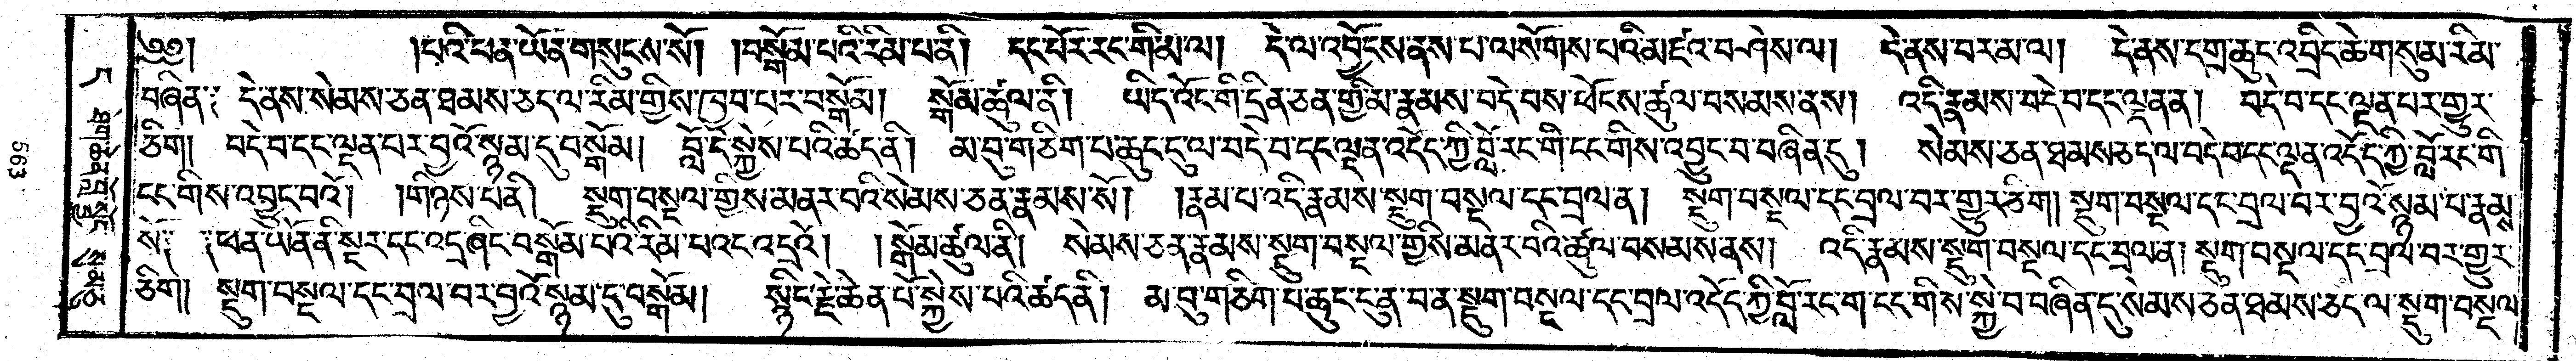༄༅། །པའི་ཕན་ཡོན་གསུངས་སོ། །བསྒོམ་པའི་རིམ་པ་ནི། དང་པོར་རང་གི་མ་ལ། དེ་ལ་འབྱོངས་ནས་པ་ལ་སོགས་པའི་མཛའ་བཤེས་ལ། དེ་ནས་བར་མ་ལ། དེ་ནས་དགྲ་ཆུང་འབྲིང་ཆེ་གསུམ་རིམ་
བཞིན༑ དེ་ནས་སེམས་ཅན་ཐམས་ཅད་ལ་རིམ་གྱིས་ཁྱབ་པར་བསྒོམ། སྒོམ་ཚུལ་ནི། ཡིད་འོང་གི་དྲིན་ཅན་གྱི་མ་རྣམས་བདེ་བས་ཕོངས་ཚུལ་བསམས་ནས། འདི་རྣམས་བདེ་བ་དང་ལྡན་ན། བདེ་བ་དང་ལྡན་པར་གྱུར་
ཅིག། བདེ་བ་དང་ལྡན་པར་བྱའོ་སྙམ་དུ་བསྒོམ། བློ་དེ་སྐྱེས་པའི་ཚད་ནི། མ་བུ་གཅིག་པ་ཆུང་དུ་ལ་བདེ་བ་དང་ལྡན་འདོད་ཀྱི་བློ་རང་གི་ངང་གིས་འབྱུང་བ་བཞིན་དུ། སེམས་ཅན་ཐམས་ཅད་ལ་བདེ་བ་དང་ལྡན་འདོད་ཀྱི་བློ་རང་གི་
ངང་གིས་འབྱུང་བའོ། །གཉིས་པ་ནི། སྡུག་བསྔལ་གྱིས་མནར་བའི་སེམས་ཅན་རྣམས་སོ། །རྣམ་པ་འདི་རྣམས་སྡུག་བསྔལ་དང་བྲལ་ན། སྡུག་བསྔལ་དང་བྲལ་བར་གྱུར་ཅིག། སྡུག་བསྔལ་དང་བྲལ་བར་བྱའོ་སྙམ་པ་རྣམས་
སོ༑ ༑ཕན་ཡོན་ནི་སྔར་དང་འདྲ་ཞིང་བསྒོམ་པའི་རིམ་པའང་འདྲའོ། །སྒོམ་ཚུལ་ནི། སེམས་ཅན་རྣམས་སྡུག་བསྔལ་གྱིས་མནར་བའི་ཚུལ་བསམས་ནས། འདི་རྣམས་སྡུག་བསྔལ་དང་བྲལ་ན། སྡུག་བསྔལ་དང་བྲལ་བར་གྱུར་
ཅིག། སྡུག་བསྔལ་དང་བྲལ་བར་བྱའོ་སྙམ་དུ་བསྒོམ། སྙིང་རྗེ་ཆེན་པོ་སྐྱེས་པའི་ཚད་ནི། མ་བུ་གཅིག་པ་ཆུང་དུ་ན་བ་ན་སྡུག་བསྔལ་དང་བྲལ་འདོད་ཀྱི་བློ་རང་ག་དང་གིས་སྐྱེ་བ་བཞིན་དུ་སེམས་ཅན་ཐམས་ཅད་ལ་སྡུག་བསྔལ་